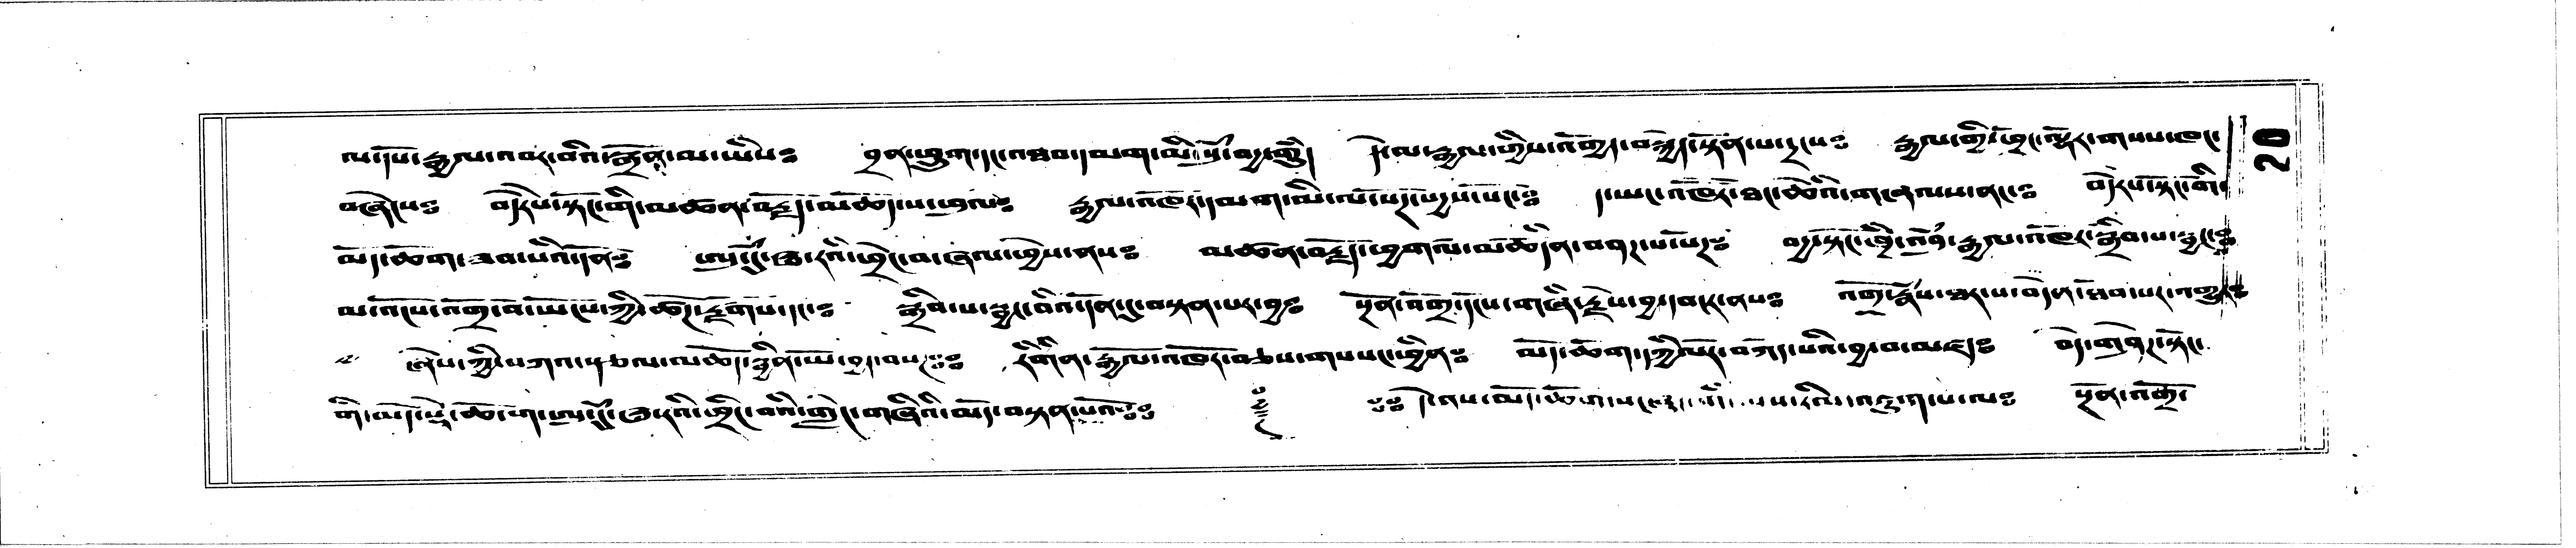ལ་དཔོ་རྒྱལ་འབར་བའི་སྒྲོན་མ་ཡིསཿ བྲན་ཕྲུག་དང་འཐབ་དམག་མི་སུམ་བརྒྱ་གུམཿ དེ་ལ་རྒྱལ་གྱིས་འགྱོད་བསྐྱེད་སྟོན་པ་དྲངསཿ རྒྱལ་གྱི་ཕོ་བྲང་ལྷོ་ཤར་གསས་ཁང་
བཞེངསཿ བདེར་གཤེགས་སྟོང་གི་མཚན་བརྗོད་མཆོད་པ་ཕུལཿ རྒྱལ་འཁོར་དམག་མི་ལ་སོགས་སངས་རྒྱས་སོངཿ ད་ཡང་འཁོར་ལོ་ཐང་ཆེའི་གཞལ་ཡས་ནངཿ བདེར་གཤེགས་སྟོང་གི་
མདོ་ཆོག་ཟབ་པའི་དོནཿ ཨུ་དུམ་ཝཱ་རའི་ཕྲེང་བ་ཞལ་ཕྱེས་ནསཿ མཚན་བརྗོད་ཕྱག་འཚལ་མཆོད་སྦྱིན་བཤགས་པ་སོགསཿ བརྒྱ་སྟོང་ཁྲི་འབུམ་རྒྱལ་འཁོར་སྒྲིབ་པ་སྦྱངཿ 
མ་འོངས་འགྲོ་བ་ཡོངས་ཀྱི་ཚོགས་རྫོགས་དངཿ སྒྲིབ་པ་སྦྱང་བའི་དོན་དུ་བསྟན་པར་བྱཿ སྔོན་འགྲོ་དངོས་གཞི་རྗེས་བྱ་དབང་བསྐུར་ནསཿ འགྲོ་རྣམས་ཐར་པ་བདེ་ཆེན་ཐོབ་པར་འགྱུརཿ 
ཞེས་ཀྱི་བཀའ་སྩལ་མཆོད་སྦྱིན་ཡོ་བྱད་བསགསཿ རིག་འཛིན་རྒྱལ་པོ་འཁོར་བཅས་གསས་ཁང་ཕྱིནཿ མདོ་ཆོག་དཀྱིལ་འཁོར་བཀོད་པའི་བྱ་བ་མཛདཿ བདེར་གཤེགས་སྟོང་
གི་མདོ་སྡེ་ཆོ་ག་ཨུ་དུམ་ཝཱ་རའི་ཕྲེང་བའི་གླེང་གཞིའི་མདོ་བསྟན་པའོཿ དེ་ནས་མདོ་ཆོག་གཞུང་གི་ལས་རིམ་འཇུག་པ་ལཿ སྔོན་འགྲོ་